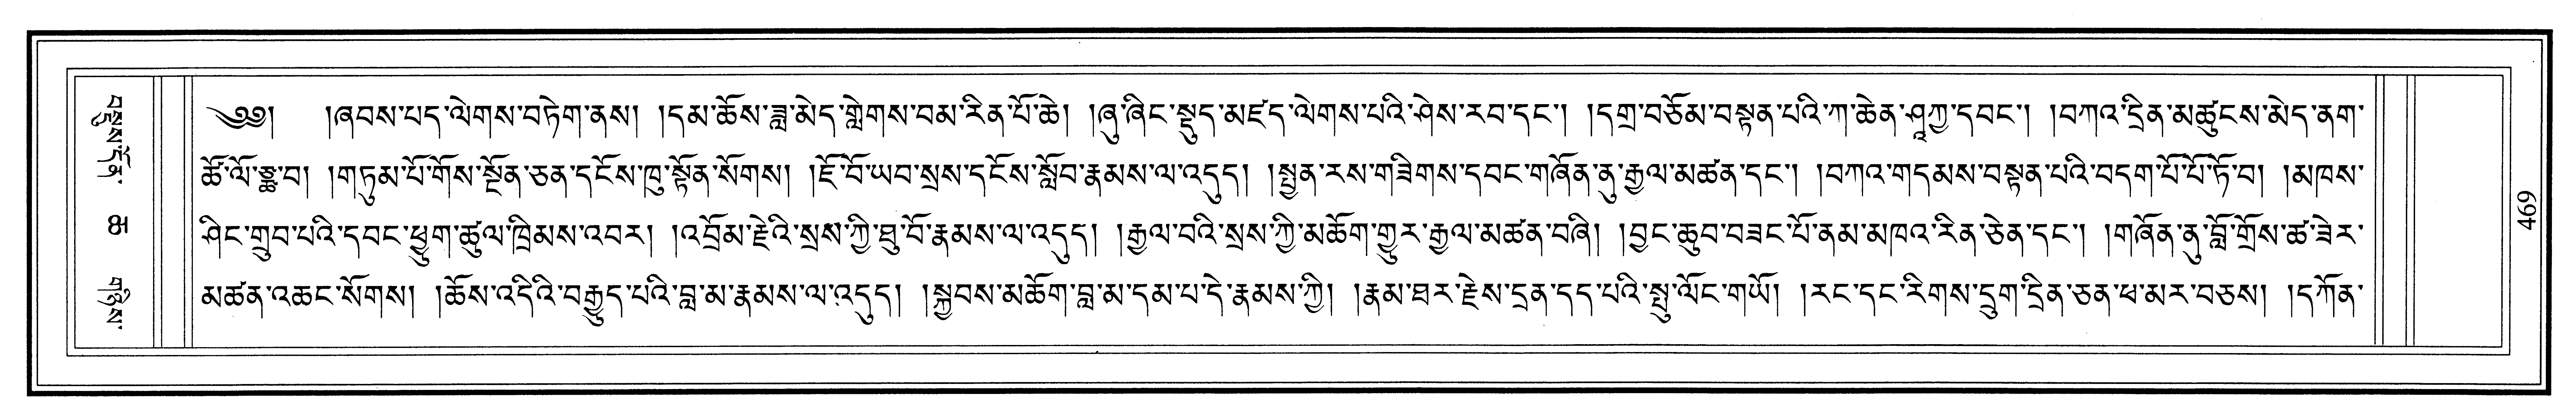༄༅། །ཞབས་པད་ལེགས་བཏེག་ནས། །དམ་ཆོས་ཟླ་མེད་གླེགས་བམ་རིན་པོ་ཆེ། །ཞུ་ཞིང་སྡུད་མཛད་ལེགས་པའི་ཤེས་རབ་དང་། །དགྲ་བཅོམ་བསྟན་པའི་ཀ་ཆེན་ཤཱཀྱ་དབང་། །བཀའ་དྲིན་མཚུངས་མེད་ནག་
ཚོ་ལོ་ཙྪ་བ། །གཏུམ་པོ་གོས་སྔོན་ཅན་དངོས་ཁུ་སྟོན་སོགས། །ཇོ་བོ་ཡབ་སྲས་དངོས་སློབ་རྣམས་ལ་འདུད། །སྤྱན་རས་གཟིགས་དབང་གཞོན་ནུ་རྒྱལ་མཚན་དང་། །བཀའ་གདམས་བསྟན་པའི་བདག་པོ་པོ་ཏོ་བ། །མཁས་
ཤིང་གྲུབ་པའི་དབང་ཕྱུག་ཚུལ་ཁྲིམས་འབར། །འབྲོམ་རྗེའི་སྲས་ཀྱི་ཐུ་བོ་རྣམས་ལ་འདུད། །རྒྱལ་བའི་སྲས་ཀྱི་མཆོག་གྱུར་རྒྱལ་མཚན་བཞི། །བྱང་ཆུབ་བཟང་པོ་ནམ་མཁའ་རིན་ཅེན་དང་། །གཞོན་ནུ་བློ་གྲོས་ཚ་ཟེར་
མཚན་འཆང་སོགས། །ཆོས་འདིའི་བརྒྱུད་པའི་བླ་མ་རྣམས་ལ་འདུད། །སྐྱབས་མཆོག་བླ་མ་དམ་པ་དེ་རྣམས་ཀྱི། །རྣམ་ཐར་རྗེས་དྲན་དད་པའི་སྤུ་ལོང་གཡོ། །རང་དང་རིགས་དྲུག་དྲིན་ཅན་ཕ་མར་བཅས། །དཀོན་